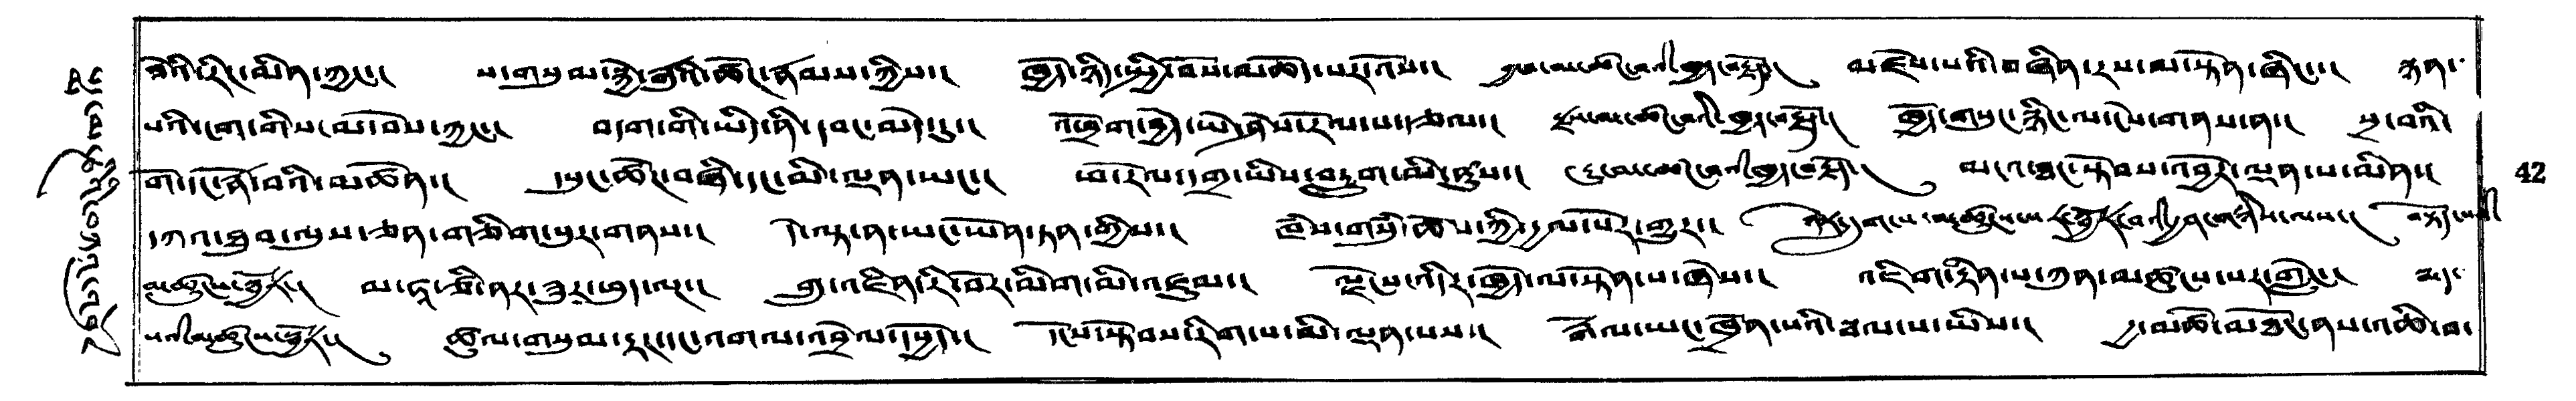ཟེའི་རིགས་མིན་ཀྱང་། །ས་གསུམ་སྐྱེ་རྒུའི་ཚོགས་རྣམས་ཀྱིས། །ཁྱོད་ཉིད་སྤྱི་བོས་མཆོད་པར་འོས། །བྱ་བ་མ་ཚང་བའི་ཁྱད་བརྗོད། མཛེས་པའི་བཞིན་རས་མ་སྟོན་ཞིང་། །སྙན་
པའི་ངག་གིས་མ་བོས་ཀྱང་། །བདག་གི་ཡིད་ནི་དབང་མེད་དུ། །འཕྲོག་བྱེད་ཡེ་ཤེས་རོལ་པ་རྩལ། ། རྫས་མ་ཚང་བའི་ཁྱད་བརྗོད། ཁྱོད་གསུང་སྙིང་ལ་ངེས་གནས་ན། །སྲ་བའི་
གོ་དང་རྣོ་བའི་མཚོན། །དཔུང་ཚོགས་བཞི་དང་མི་ལྡན་ཡང་། །ཕ་རོལ་དགྲ་ཡིས་བརླག་མི་ནུས། ། རྒྱུ་མ་ཚང་བའི་ཁྱད་བརྗོད། མངའ་ཐང་སྟོབས་འབྱོར་ལྡན་པ་མིན། །
དཀའ་ཐུབ་ལུས་ཅན་གཅིག་པུར་གནས། །དེ་ལྟ་ན་ཡང་ཡོན་ཏན་གྱིས། །ཁམས་གསུམ་ཆོས་ཀྱི་རྒྱལ་པོར་གྱུར། ། ཉེར་དྲུག་པ་མཚུངས་པར་སྦྱོར་བའི་རྒྱན་གཉིས་ལས། བསྟོད་པའི་
མཚུངས་སྦྱོར། མ་ཧཱ་ཙི་ནར་ཟུར་ཕུད་ལྔ། །གྲུ་འཛིན་རི་བོར་མིག་མི་འཛུམ། །ལྗོངས་འདིར་ཁྱོད་ལ་སྟོན་པ་ཞེས། །འཇིག་རྟེན་པ་ཀུན་མཚུངས་པར་གླེང་། ། སྨད་
པའི་མཚུངས་སྦྱོར། ཚུལ་གསུམ་རྟགས་དང་འགལ་འབྲེལ་དཔྱོད། །དངོས་སྟོབས་རིགས་པ་མི་ལྡན་པས། །རྒོལ་ཡང་ཁྲོན་པའི་སྦལ་པ་ཡིས། །རྒྱ་མཚོ་མཐོང་ནས་འཆི་བ་